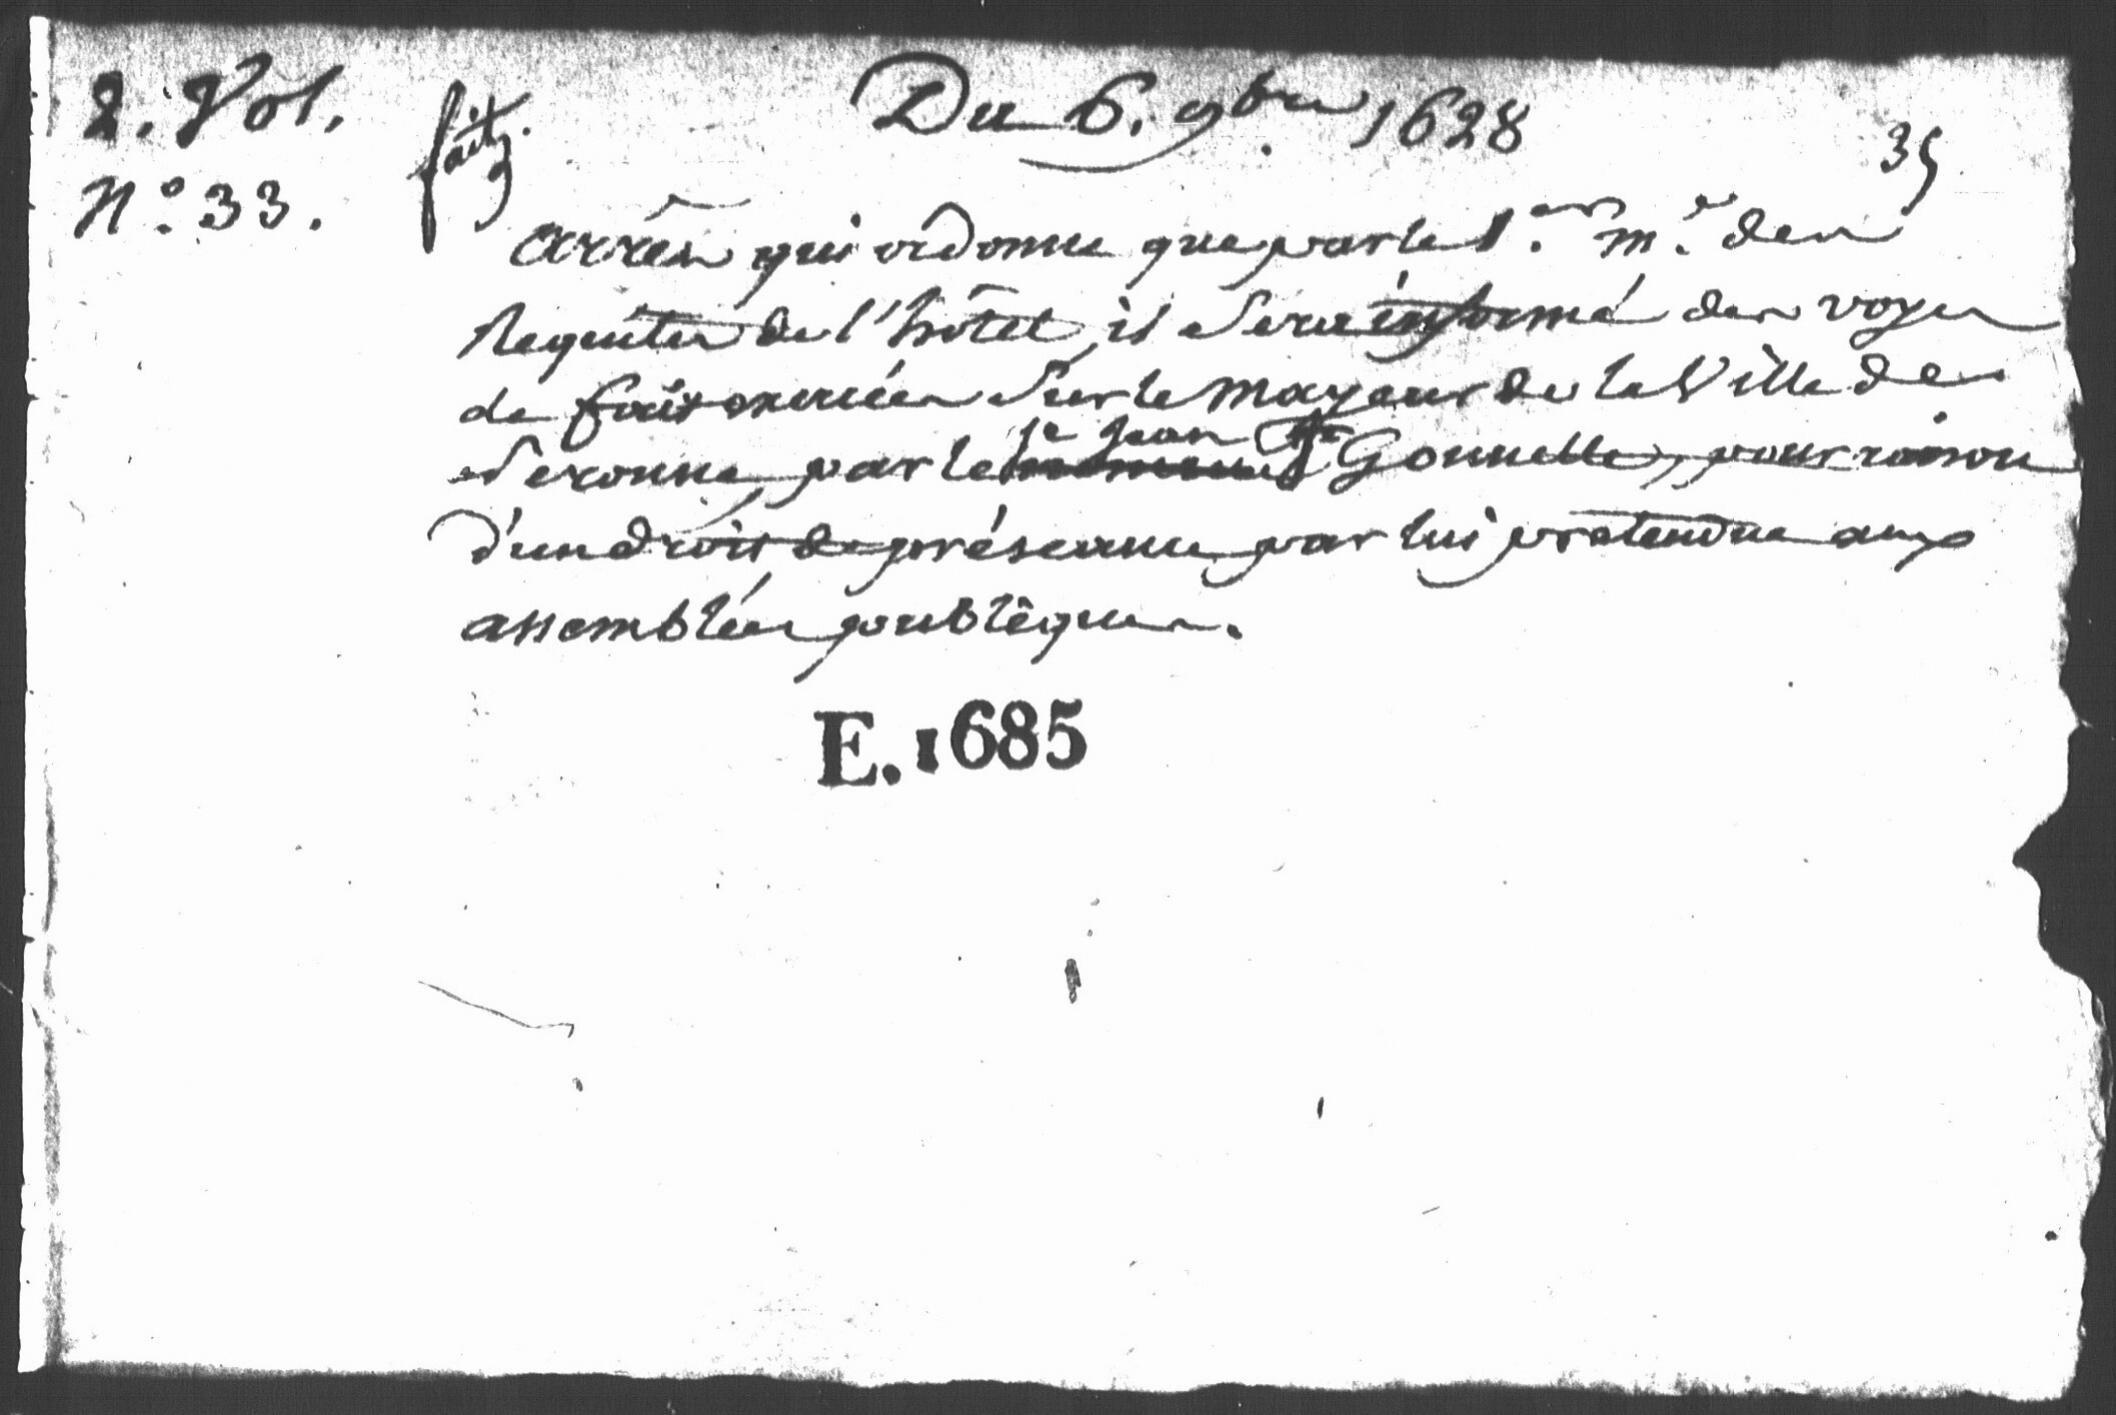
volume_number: n°33
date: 6 novembre 1628
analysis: fait 35
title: Arrêt qui ordonne que, par le 1.er m.e des Requêtes de l'hôtel, il sera informé des voyes de fait exercées sur le mayeur de la ville de Peronne, par le [mot barré] Sr Jean Gonnette, pour raison d'un droit de préseance par lui pretendue aux assemblées publiques.
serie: E
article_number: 1685
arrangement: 2. vol.
